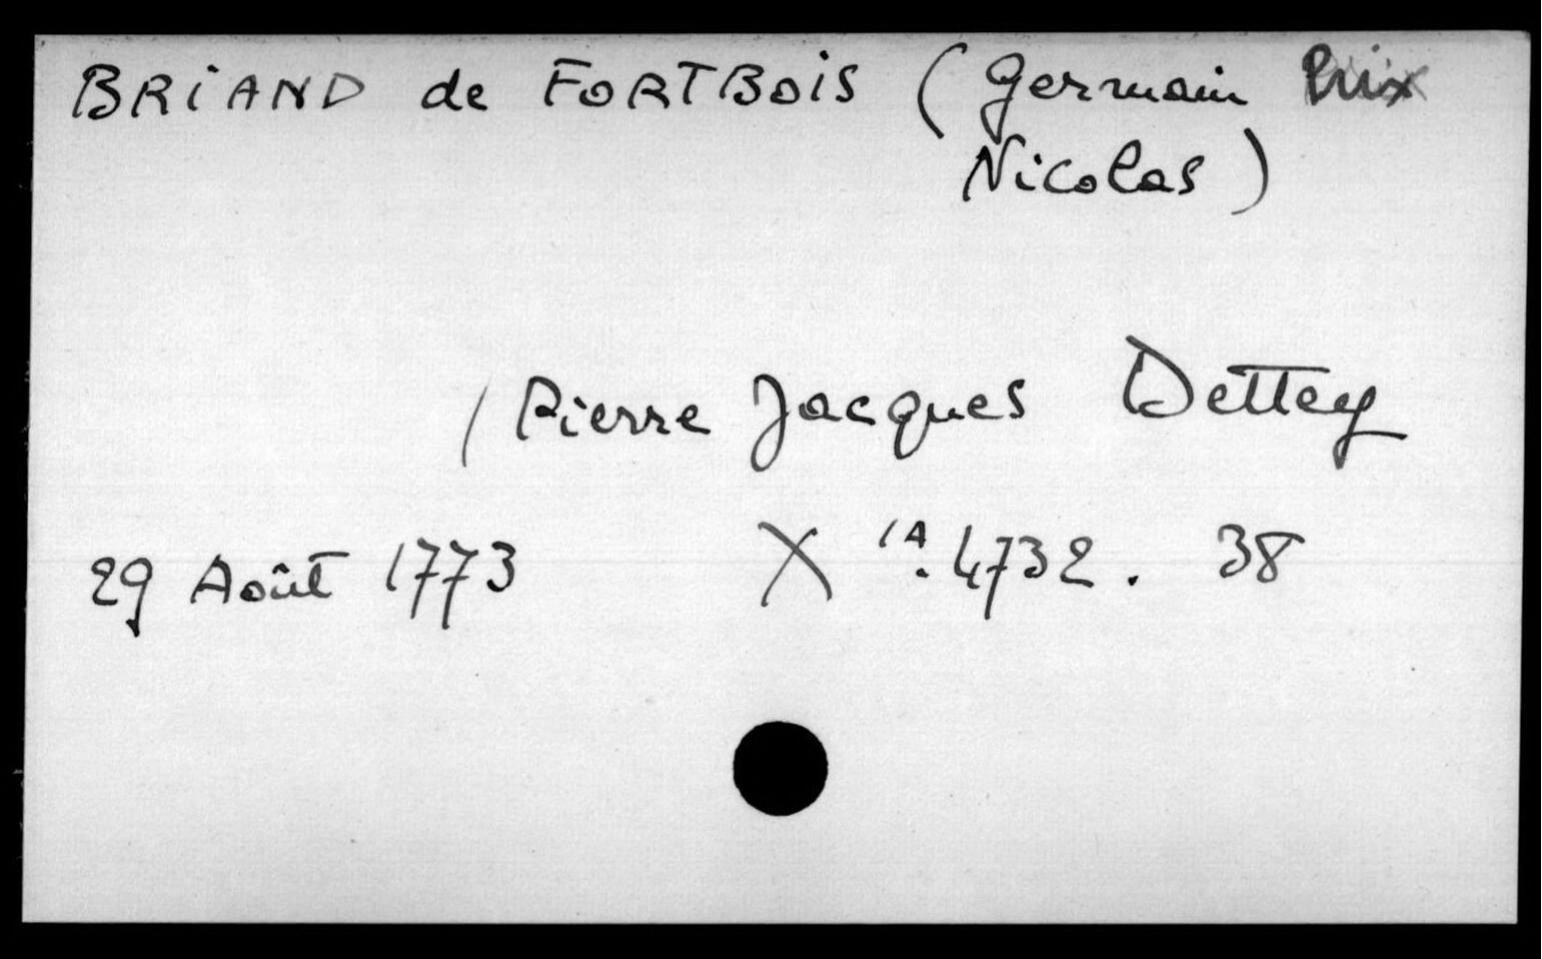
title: BRIAND de FORTBOIS (Germain Prix Nicolas)
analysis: Contre Pierre Jacques Dettey
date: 29 août 1773
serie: X1A
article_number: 4732
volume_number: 38
